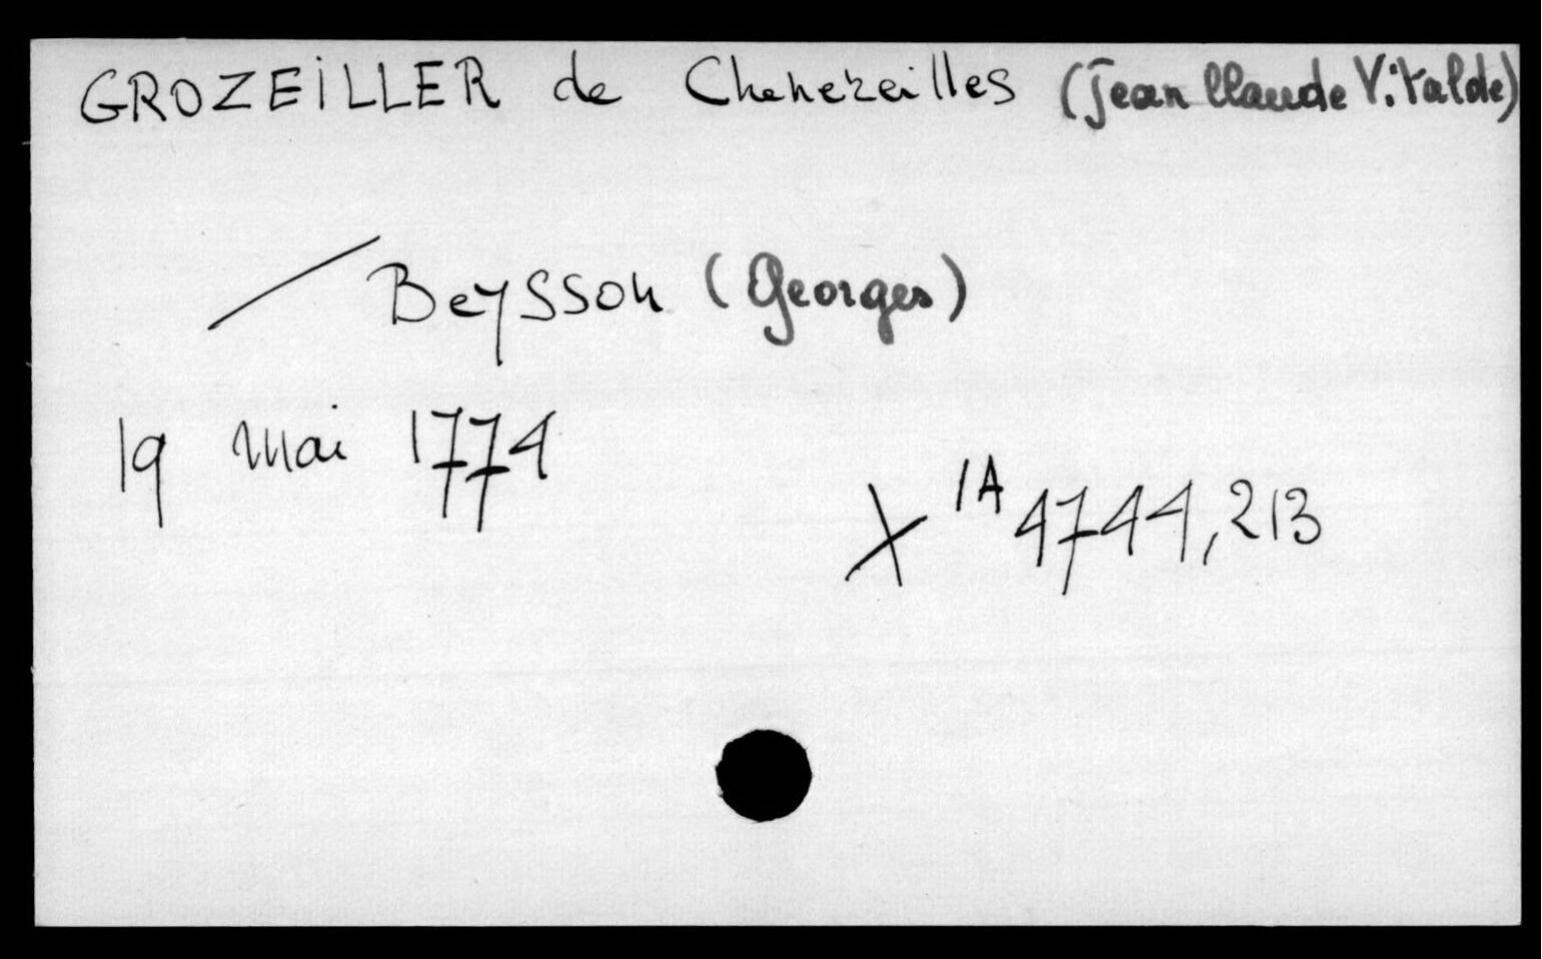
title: GROZEILLER de Chenereilles (Jean Claude Vital de)
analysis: Contre Beysson (Georges)
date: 19 mai 1774
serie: X1A
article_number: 4744
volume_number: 213
